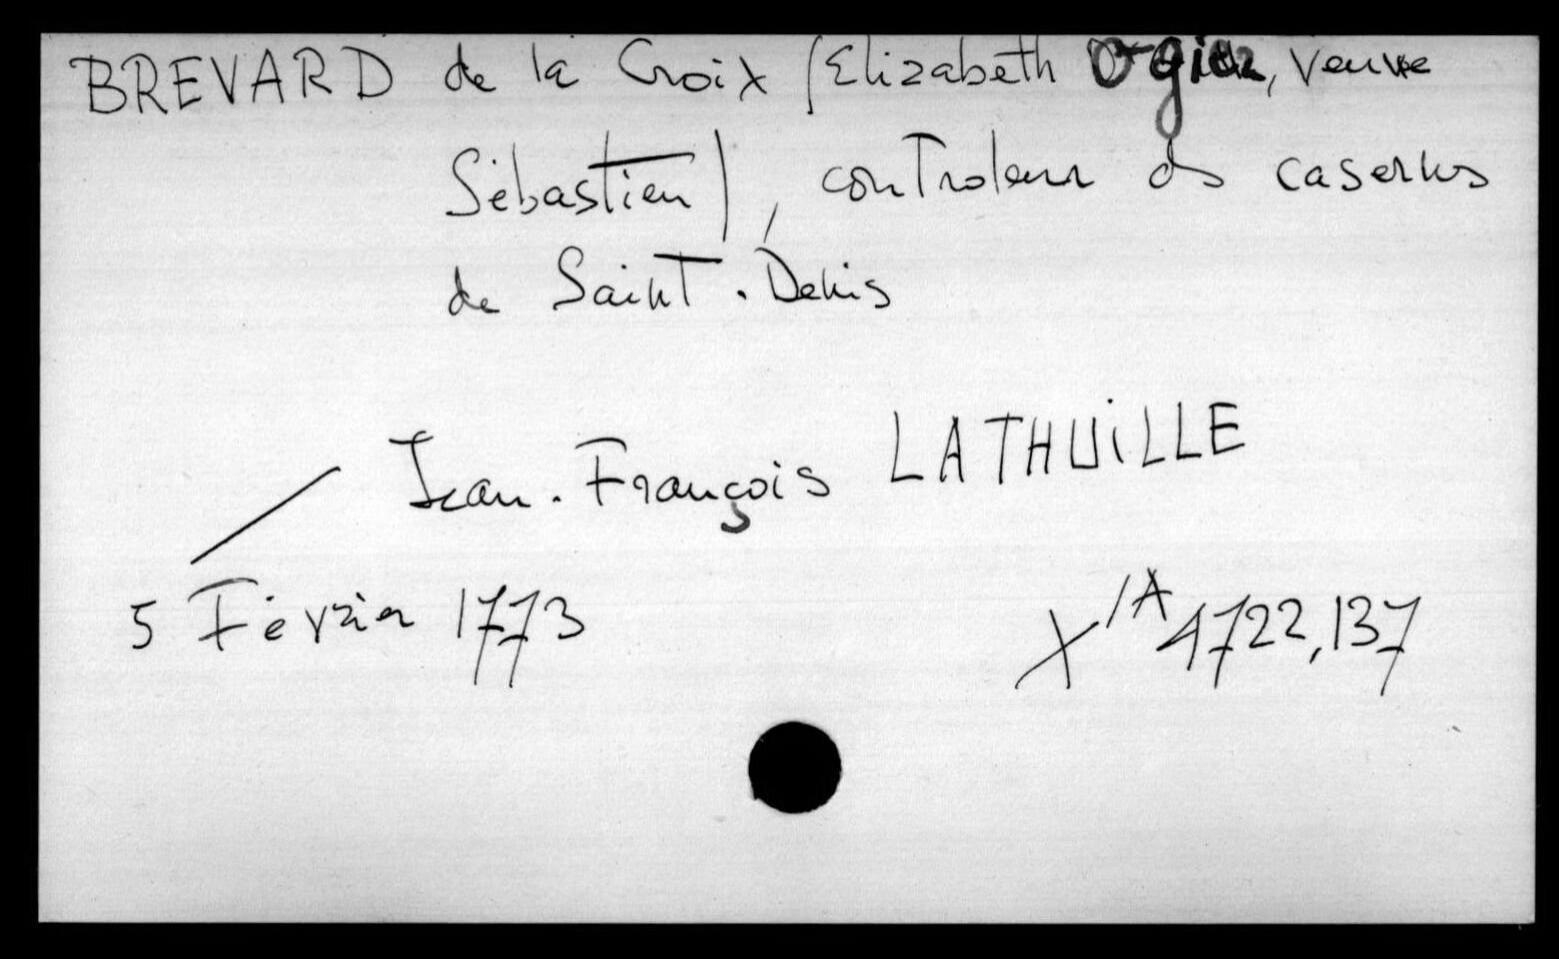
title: BREVARD de la Croix (Élizabeth Ogier, veuve Sébastien), contrôleur des casernes de Saint-Denis
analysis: Contre Jean-François LATHUILLE
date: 5 février 1773
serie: X1A
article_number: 4722
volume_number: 137
